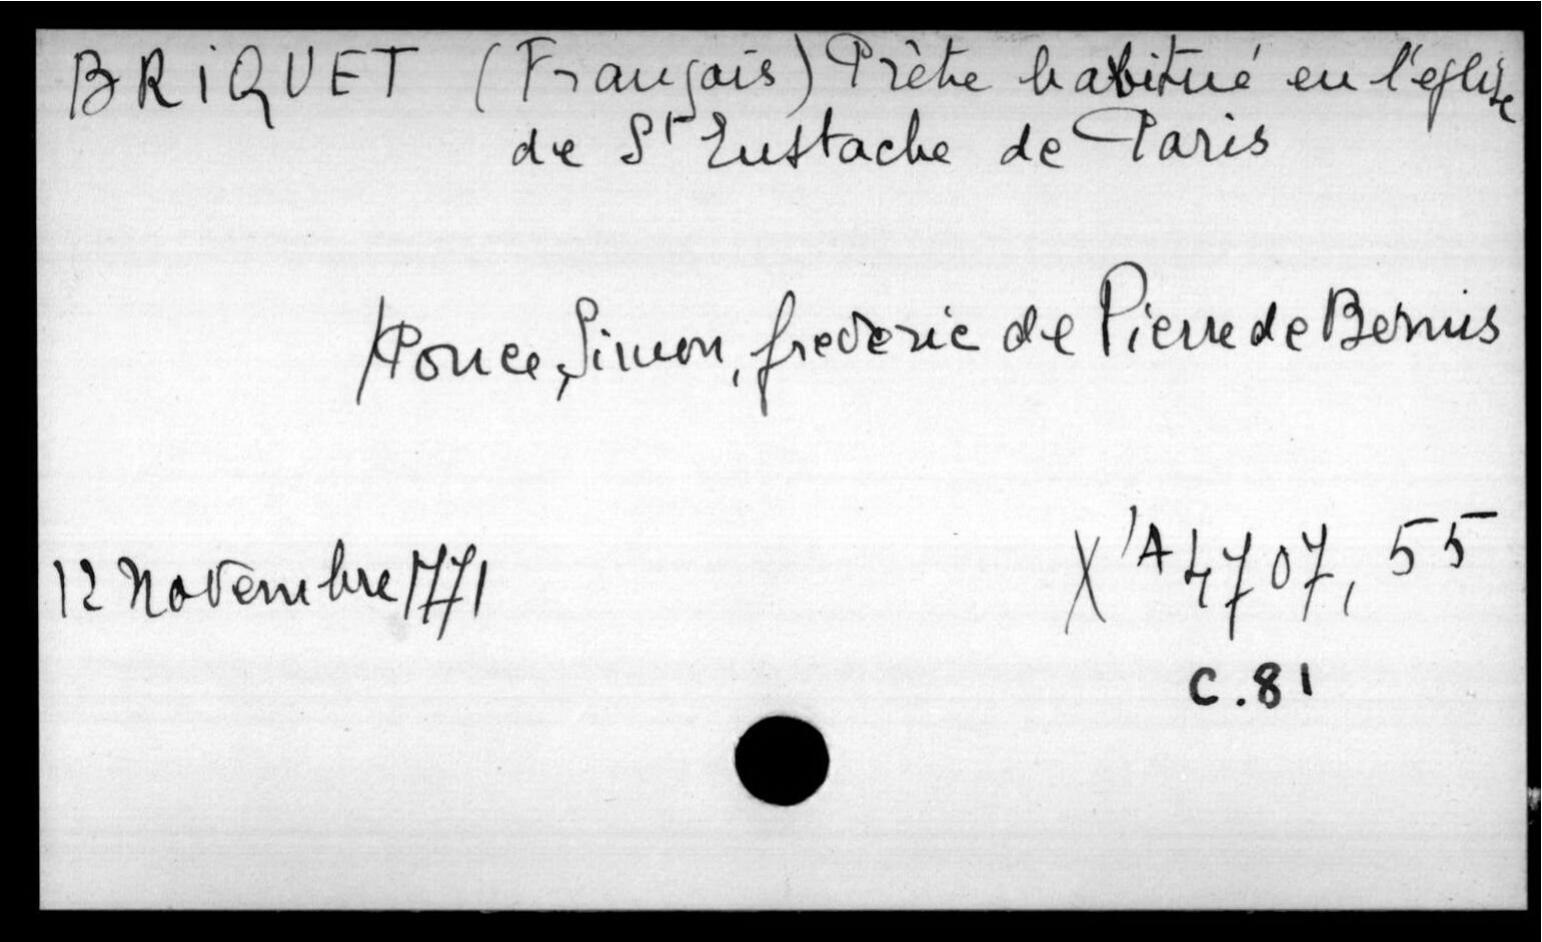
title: BRIQUET (François) Prêtre habitué en l'eglise de Saint-Eustache de Paris
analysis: Contre Ponce, Simon, Frédéric de Pierre de Bernis
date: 12 novembre 1771
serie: X1A
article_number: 4707
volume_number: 55 Conseil, 81
